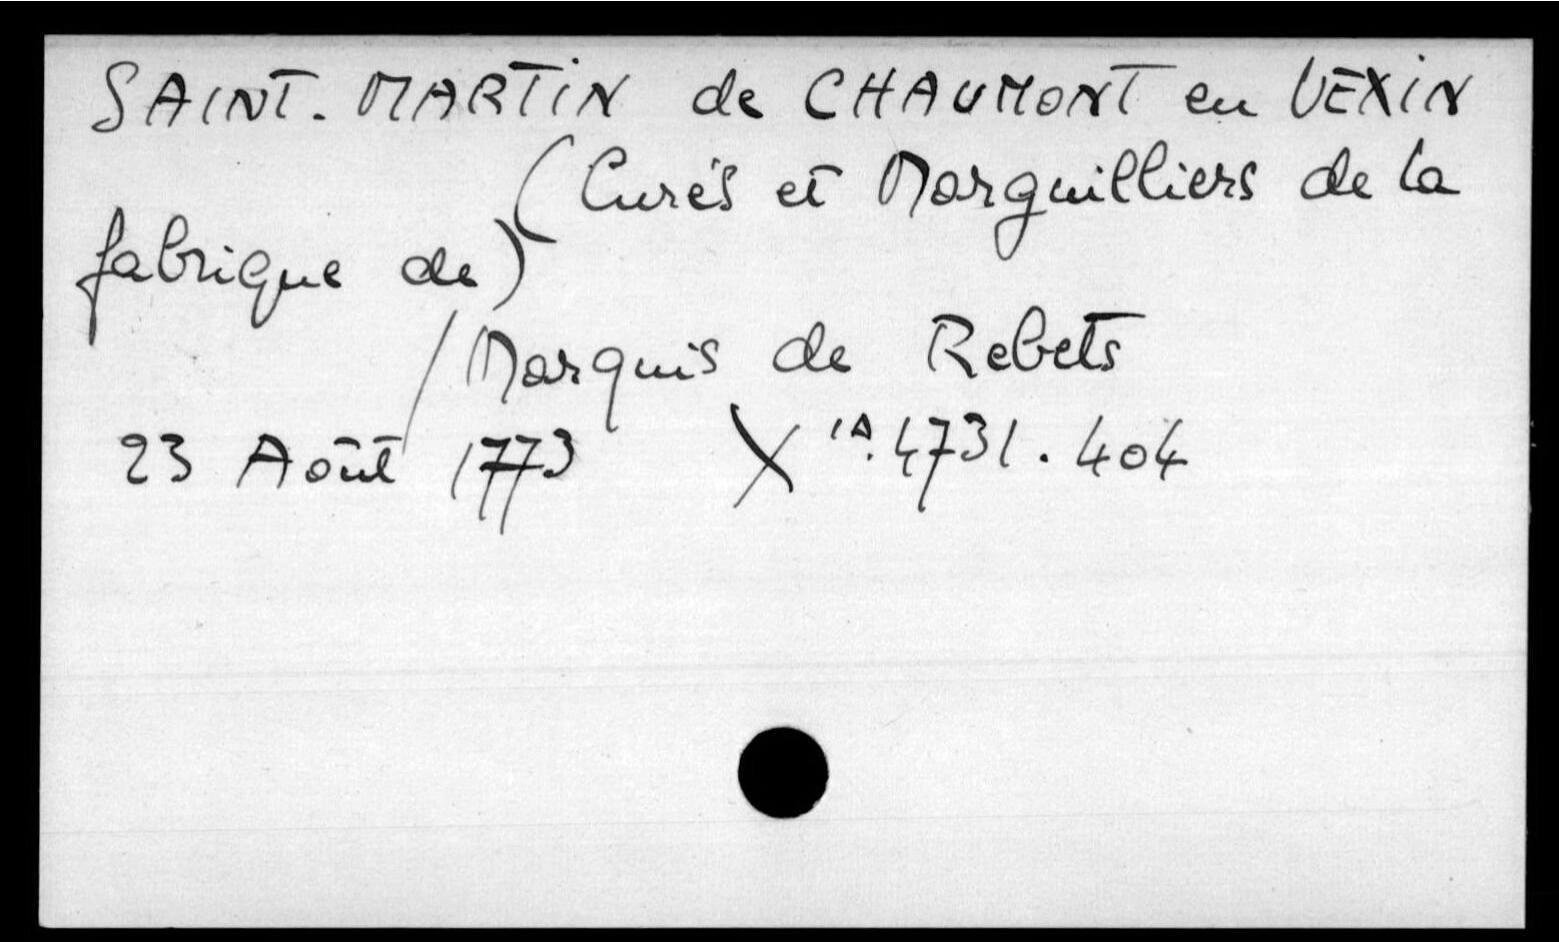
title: SAINT-MARTIN de CHAUMONT en VEXIN (curés et Marguilliers de la fabrique de)
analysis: Contre Marquis de Rebets
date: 23 août 1773
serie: X1A
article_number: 4731
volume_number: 404
